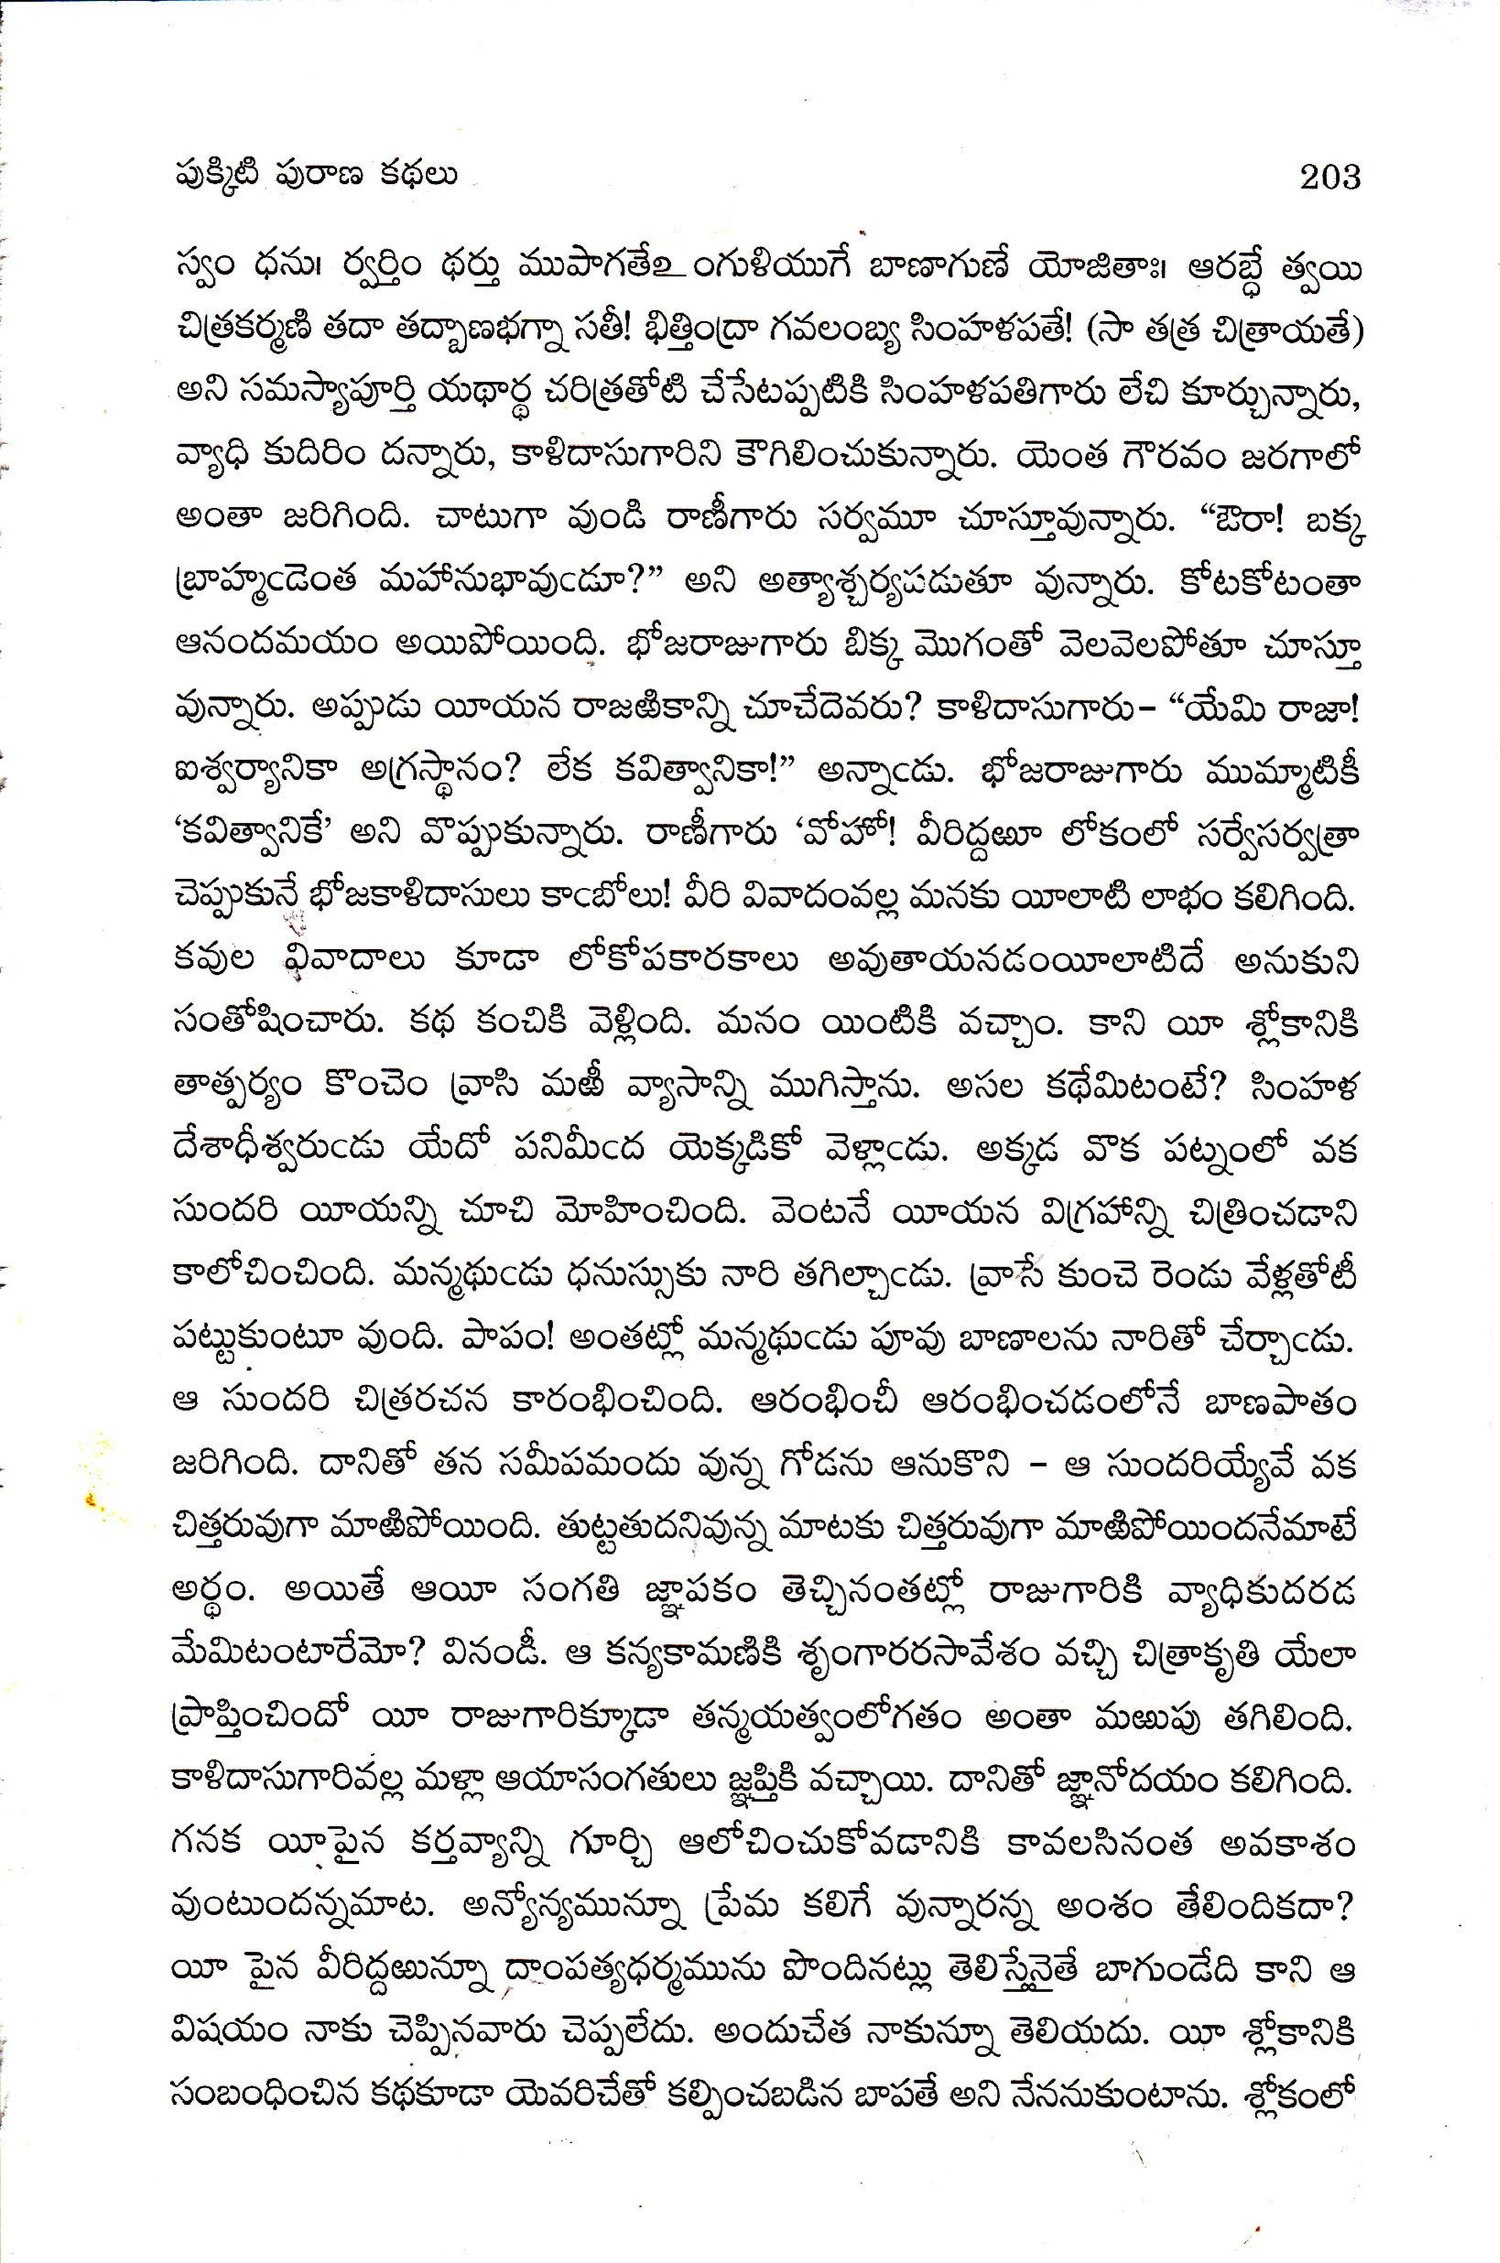స్వం ధను| ర్వర్తిం థర్తు ముపాగతే౽ంగుళియుగే బాణాగుణే యోజితాః| ఆరబ్ధే త్వయి చిత్రకర్మణి తదా తద్బాణభగ్నా సతీ! భిత్తింద్రా గవలంబ్య సింహళపతే! (సా తత్ర చిత్రాయతే) అని సమస్యాపూర్తి యథార్థ చరిత్రతోటి చేసేటప్పటికి సింహళపతిగారు లేచి కూర్చున్నారు, వ్యాధి కుదిరిందన్నారు, కాళిదాసుగారిని కౌగిలించుకున్నారు. యెంత గౌరవం జరగాలో అంతా జరిగింది. చాటుగా వుండి రాణీగారు సర్వమూ చూస్తూవున్నారు. “ఔరా! బక్క బ్రాహ్మఁడెంత మహానుభావుఁడూ?" అని అత్యాశ్చర్యపడుతూ వున్నారు. కోటకోటంతా ఆనందమయం అయిపోయింది. భోజరాజుగారు బిక్క మొగంతో వెలవెలపోతూ చూస్తూ వున్నారు. అప్పుడు యీయన రాజఱికాన్ని చూచేదెవరు? కాళిదాసుగారు- "యేమి రాజా! ఐశ్వర్యానికా అగ్రస్థానం? లేక కవిత్వానికా!" అన్నాఁడు. భోజరాజుగారు ముమ్మాటికీ కవిత్వానికే అని వొప్పుకున్నారు. రాణీగారు "వోహో వీరిద్దఱూ లోకంలో సర్వేసర్వత్రా చెప్పుకునే భోజకాళిదాసులు కాఁబోలు! వీరి వివాదంవల్ల మనకు యీలాటి లాభం కలిగింది. కవుల వివాదాలు కూడా లోకోపకారకాలు అవుతాయనడంయీలాటిదే అనుకుని సంతోషించారు. కథ కంచికి వెళ్లింది. మనం యింటికి వచ్చాం. కాని యీ శ్లోకానికి తాత్పర్యం కొంచెం వ్రాసి మఱీ వ్యాసాన్ని ముగిస్తాను. అసల కథేమిటంటే? సింహళ దేశాధీశ్వరుఁడు యేదో పనిమీంద యెక్కడికో వెళ్లాఁడు. అక్కడ వొక పట్నంలో వక సుందరి యీయన్ని చూచి మోహించింది. వెంటనే యీయన విగ్రహాన్ని చిత్రించడాని కాలోచించింది. మన్మథుఁడు ధనుస్సుకు నారి తగిల్చాఁడు. వ్రాసే కుంచె రెండు వేళ్లతోటీ పట్టుకుంటూ వుంది. పాపం! అంతట్లో మన్మథుఁడు పూవు బాణాలను నారితో చేర్చాఁడు. ఆ సుందరి చిత్రరచన కారంభించింది. ఆరంభించీ ఆరంభించడంలోనే బాణపాతం జరిగింది. దానితో తన సమీపమందు వున్న గోడను ఆనుకొని - ఆ సుందరియ్యేవే వక చిత్తరువుగా మాఱిపోయింది. తుట్టతుదనివున్న మాటకు చిత్తరువుగా మాఱిపోయిందనేమాటే అర్థం. అయితే ఆయీ సంగతి జ్ఞాపకం తెచ్చినంతట్లో రాజుగారికి వ్యాధికుదరడ మేమిటంటారేమో? వినండీ. ఆ కన్యకామణికి శృంగారరసావేశం వచ్చి చిత్రాకృతి యేలా ప్రాప్తించిందో యీ రాజుగారిక్కూడా తన్మయత్వంలోగతం అంతా మఱుపు తగిలింది. కాళిదాసుగారివల్ల మళ్లా ఆయాసంగతులు జ్ఞప్తికి వచ్చాయి. దానితో జ్ఞానోదయం కలిగింది. గనక యీ పైన కర్తవ్యాన్ని గూర్చి ఆలోచించుకోవడానికి కావలసినంత అవకాశం వుంటుందన్నమాట. అన్యోన్యమున్నూ ప్రేమ కలిగే వున్నారన్న అంశం తేలిందికదా? యీ పైన వీరిద్దఱున్నూ దాంపత్యధర్మమును పొందినట్లు తెలిస్తేనైతే బాగుండేది కాని ఆ విషయం నాకు చెప్పినవారు చెప్పలేదు. అందుచేత నాకున్నూ తెలియదు. యీ శ్లోకానికి సంబంధించిన కథకూడా యెవరిచేతో కల్పించబడిన బాపతే అని నేననుకుంటాను. శ్లోకంలో